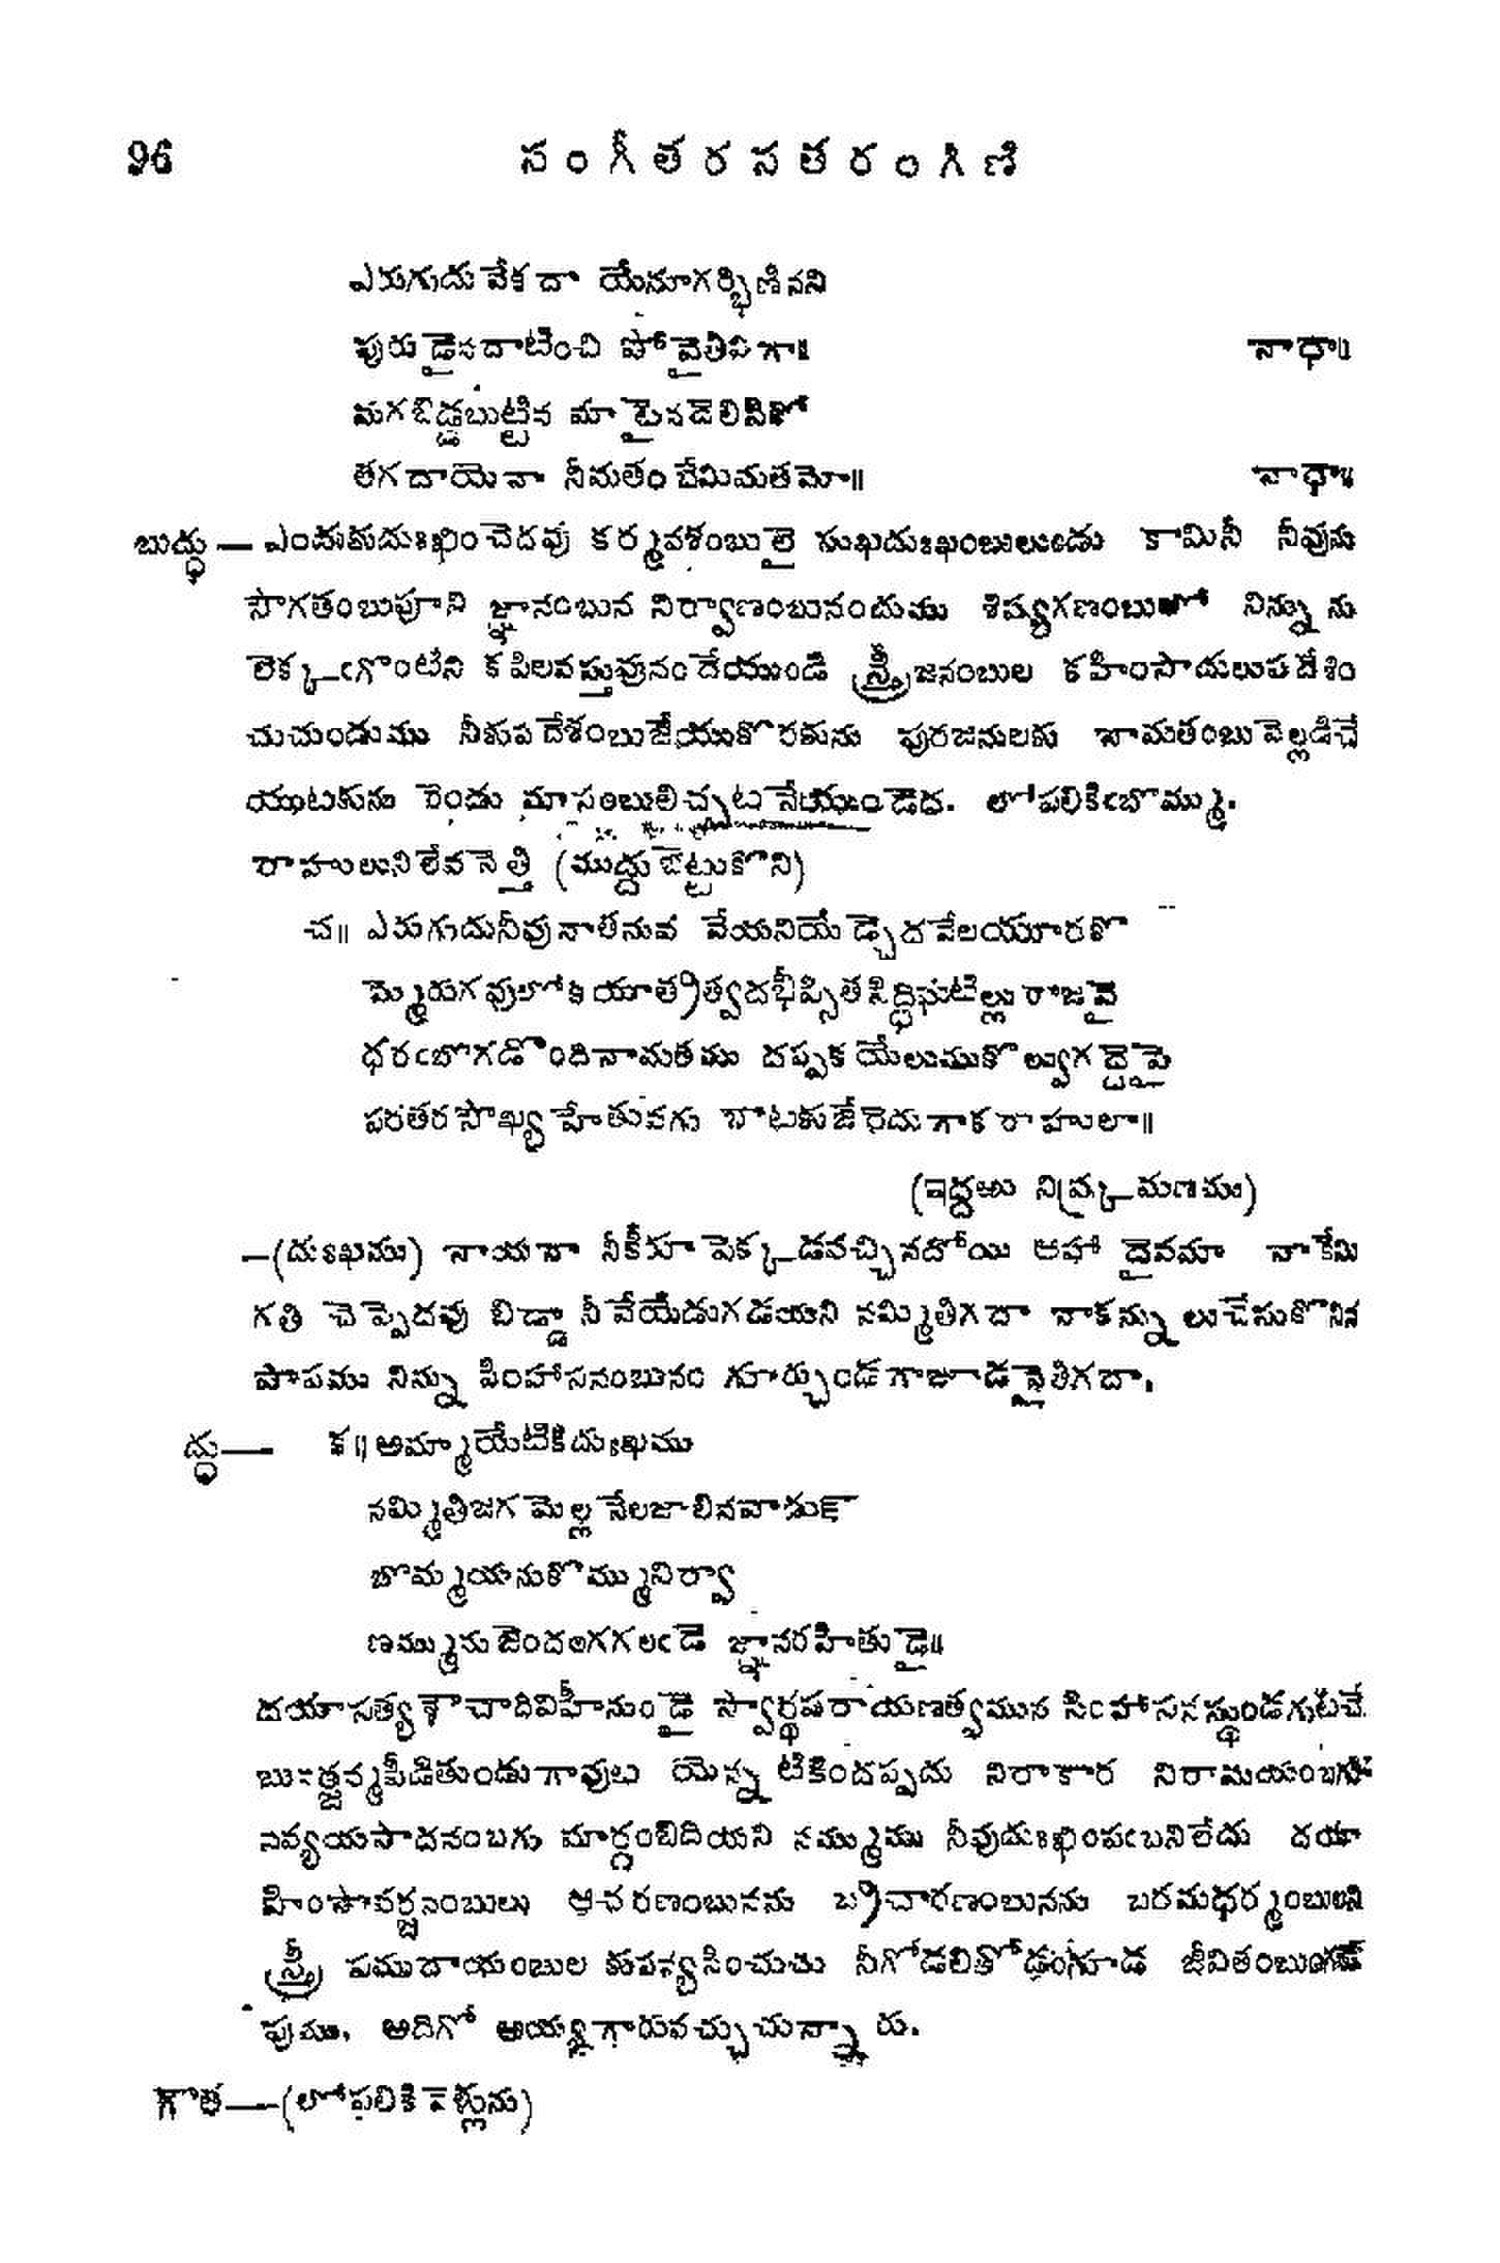ఎరుగుదువేకదా యేనూగర్భిణీనని
పురుడైనదాటించి పోవైతివిగా॥ ॥నాధా॥ 
మగబిడ్డబుట్టిన మాటైనదెలిసికో 
తగదాయెనా నీ మతం మిమతమో॥ ॥నాధా॥ 

బుద్ధు — ఎందుకుదుఃఖించెదవు కర్మవశంబులై సుఖదుఃఖంబులుండు కామినీ నీవును సౌగతంబుపూని జ్ఞానంబున నిర్వాణంబునందుము శిష్యగణంబుతో నిన్నును లెక్కల _ఁగొంటిని కపిలవస్తువునం చేయుండి స్త్రీజనంబుల కహింసాదులుపదేశించుచుండుము. నీకుపదేశంబు జేయుకొరకును పురజనులకు నామతంబువెల్లడిచేయుటకును రెండు మాసంబులిచ్చటసేయుండెద. లోపలికిఁబొమ్ము'
రాహులుని లేవ నెత్తి (ముద్దు బెట్టుకొని)

చ॥ ఎరుగుదునీవు నాతనువ వేయనియేడ్చెదవేలయూరకొ 
మ్మెరుగవులోకయూత్రత్వదభీప్సితసిద్ధిఘటిల్లు రాజవై
ధరఁబొగడొందినామతము దప్పకయేలుముకొల్వుగద్దెపై
పరతరసౌఖ్యహేతువగు బాటకుజేరెదుగాక రాహులా॥

యశో — (దుఃఖము) నాయనా నీకీరూపెక్కడవచ్చినదోయి ఆహా దైవమా నాకేమిగతి చెప్పెదవు బిడ్డా నీ వేయేడుగడయని 
నమ్మితిగదా నాకన్నులుచేసుకొనిన పాపము నిన్ను సింహాసనంబునఁ గూర్చుండగాజూడనైతిగదా.

బుద్దు - క॥ అమ్మాయేటికిదుఃఖము
నమ్మితిజగమెల్లనేలజాలినవాడు౯
బొమ్మయనుకొమ్మునిర్వా
ణమ్మునుజెందంగగలఁడె జ్ఞానరహితుడై॥ 

దయా సత్య శౌచాదివిహీనుండై స్వార్థపరాయణత్వమున సింహాసనస్థుండగుటచే బునర్జన్మపీడితుండుగావుట యెన్నటికిందప్పదు 
నిరాకార నిరామయంబగు సవ్యయసాదనంబగు మార్గంబిదియని సమ్ముము నీవుదుఃఖింపఁబనిలేదు దయాహింసావర్ణనంబులు ఆచరణంబునను బ్రచారణంబునను బరమధర్మంబుని స్త్రీ సముదాయంబుల కుపన్యసించును నీగోడలితోడుగూడ జీవితంబుంగపుము. 
అదిగో అయ్యగారువచ్చుచున్నారు.

గౌత — (లోపలికి వెళ్లును)